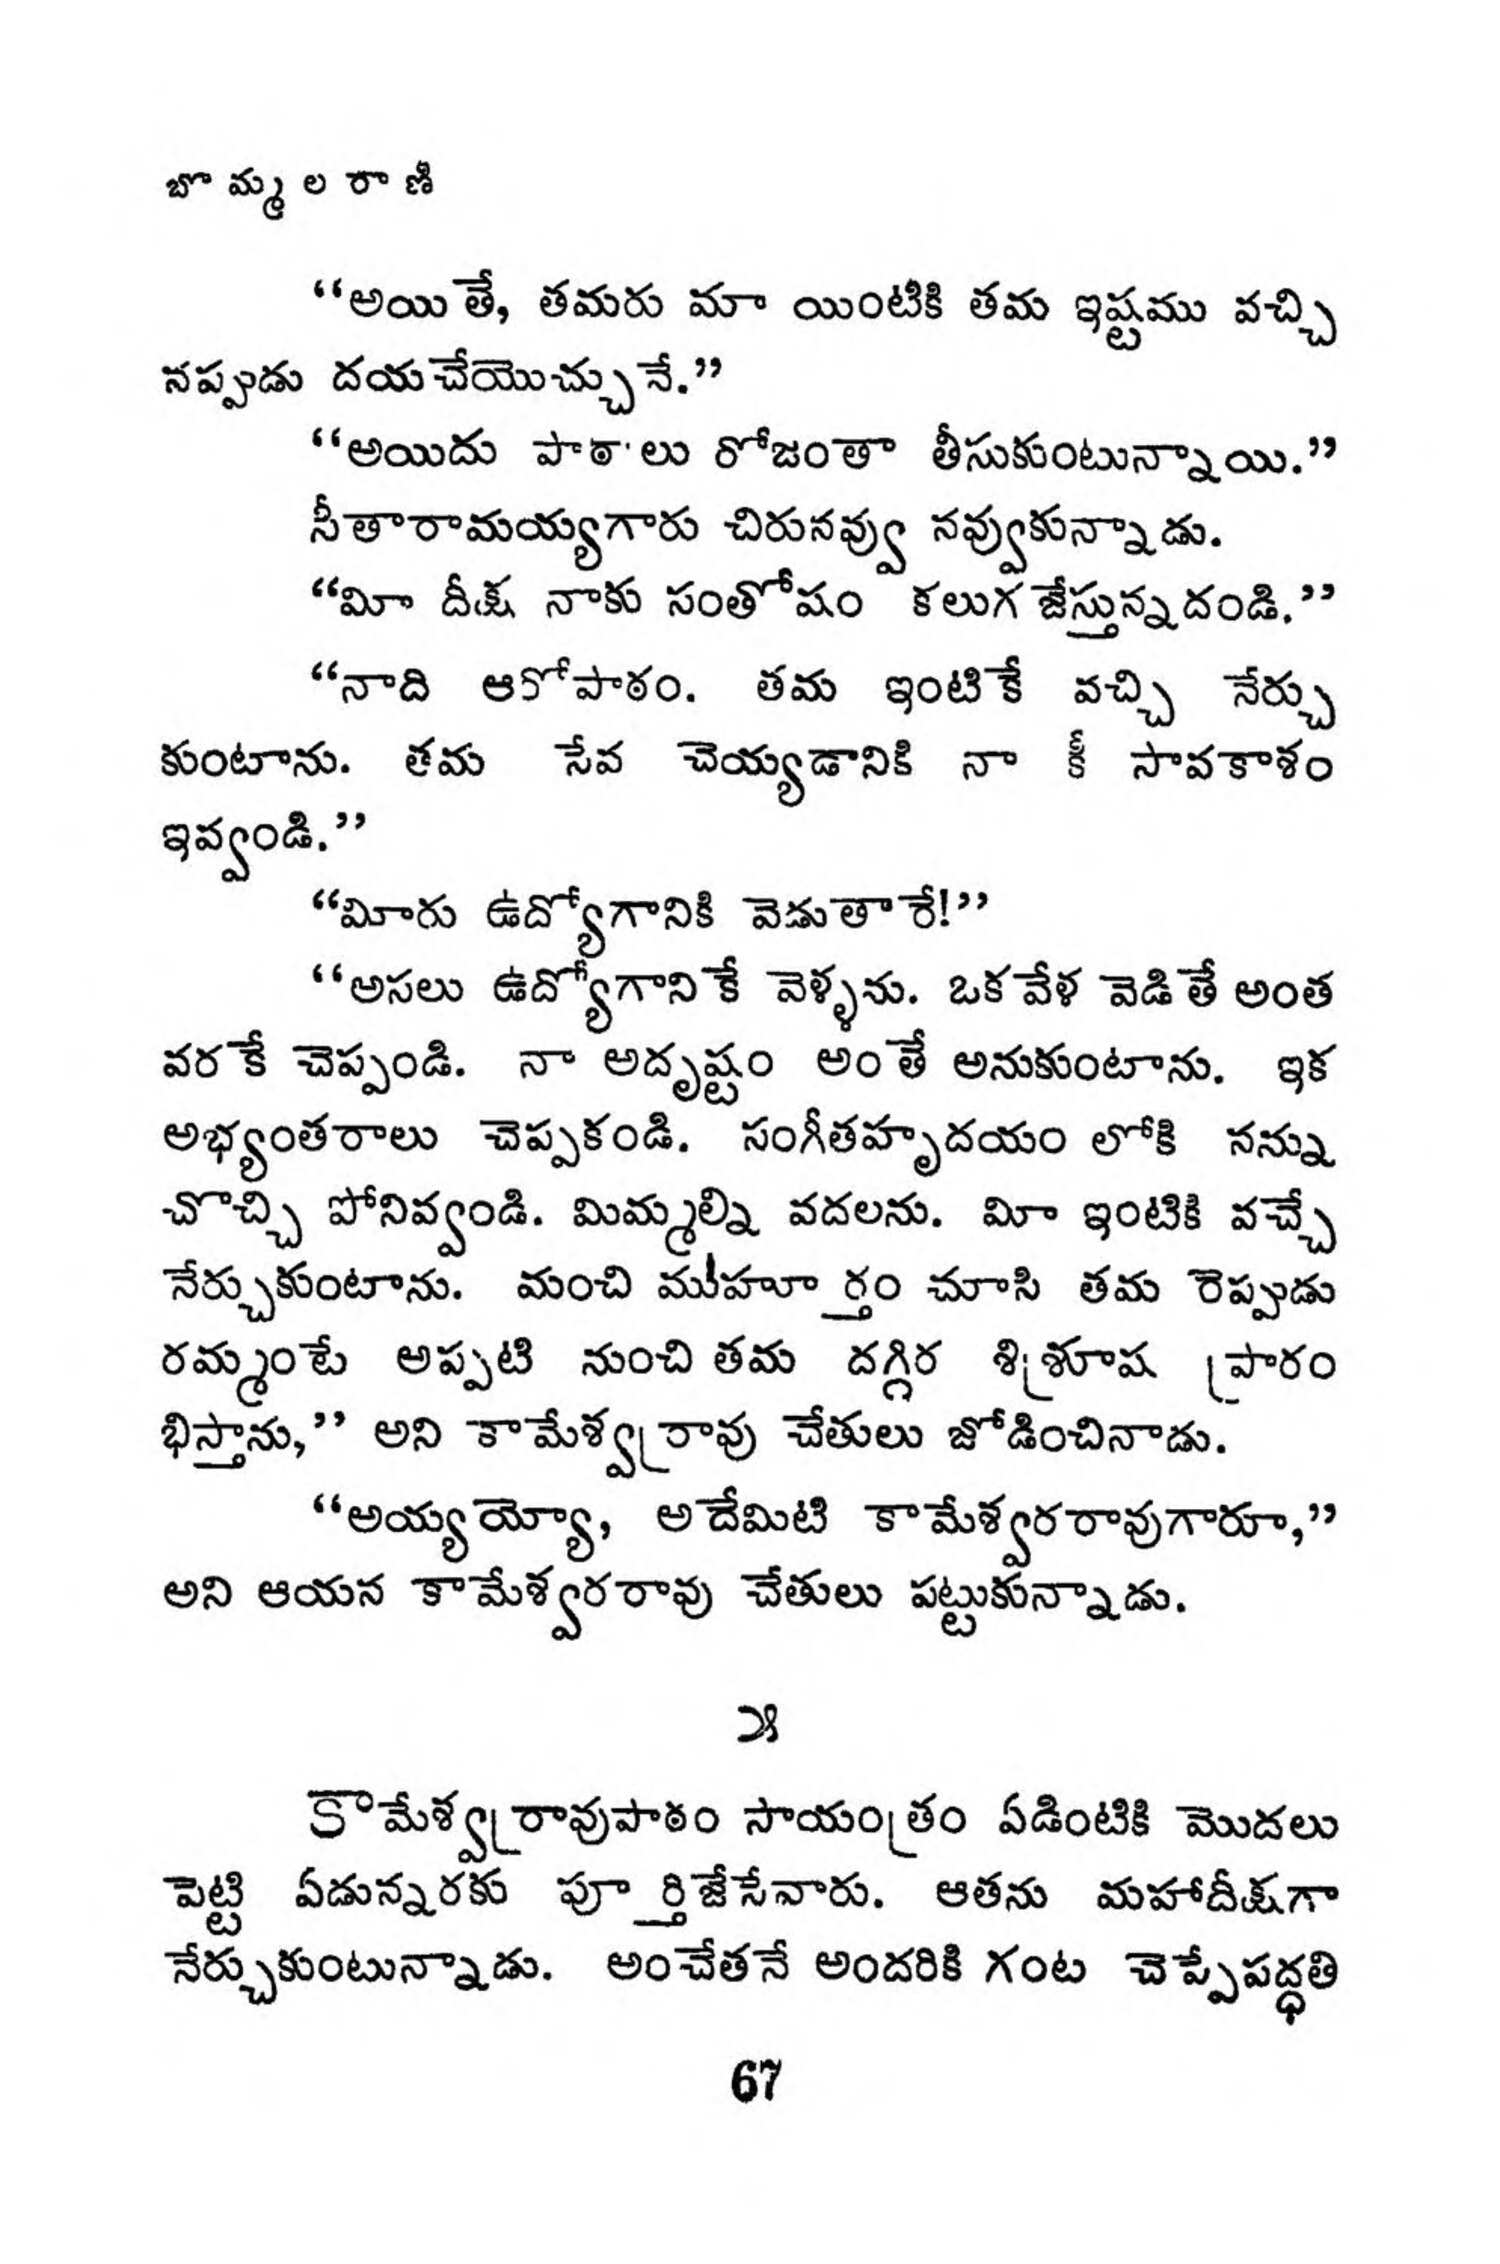"అయితే, తమరు మా యింటికి తమ ఇష్టము వచ్చినప్పుడు దయచేయొచ్చునే."

"అయిదు పాఠాలు రోజంతా తీసుకుంటున్నాయి."

సీతారామయ్యగారు చిరునవ్వు నవ్వుకున్నాడు.

"మీ దీక్ష నాకు సంతోషం కలుగజేస్తున్నదండి."

"నాది ఆరోపాఠం. తమ ఇంటికే వచ్చి నేర్చుకుంటాను. తమ సేవ చెయ్యడానికి నా కీ సావకాశం ఇవ్వండి."

"మీరు ఉద్యోగానికి వెడుతారే!"

"అసలు ఉద్యోగానికే వెళ్ళను. ఒకవేళ వెడితే అంతవరకే చెప్పండి. నా అదృష్టం అంతే అనుకుంటాను. ఇక అభ్యంతరాలు చెప్పకండి. సంగీతహృదయం లోకి నన్ను చొచ్చి పోనివ్వండి. మిమ్మల్ని వదలను. మీ ఇంటికి వచ్చే నేర్చుకుంటాను. మంచి ముహూర్తం చూసి తమ రెప్పుడు రమ్మంటే అప్పటి నుంచి తమ దగ్గిర శిశ్రూష ప్రారంభిస్తాను," అని కామేశ్వర్రావు చేతులు జోడించినాడు.

"అయ్యయ్యో, అదేమిటి కామేశ్వరరావుగారూ," అని ఆయన కామేశ్వరరావు చేతులు పట్టుకున్నాడు.

5
కామేశ్వర్రావుపాఠం సాయంత్రం ఏడింటికి మొదలు పెట్టి ఏడున్నరకు పూర్తిజేసేవారు. ఆతను మహాదీక్షగా నేర్చుకుంటున్నాడు. అంచేతనే అందరికి గంట చెప్పేపద్ధతి